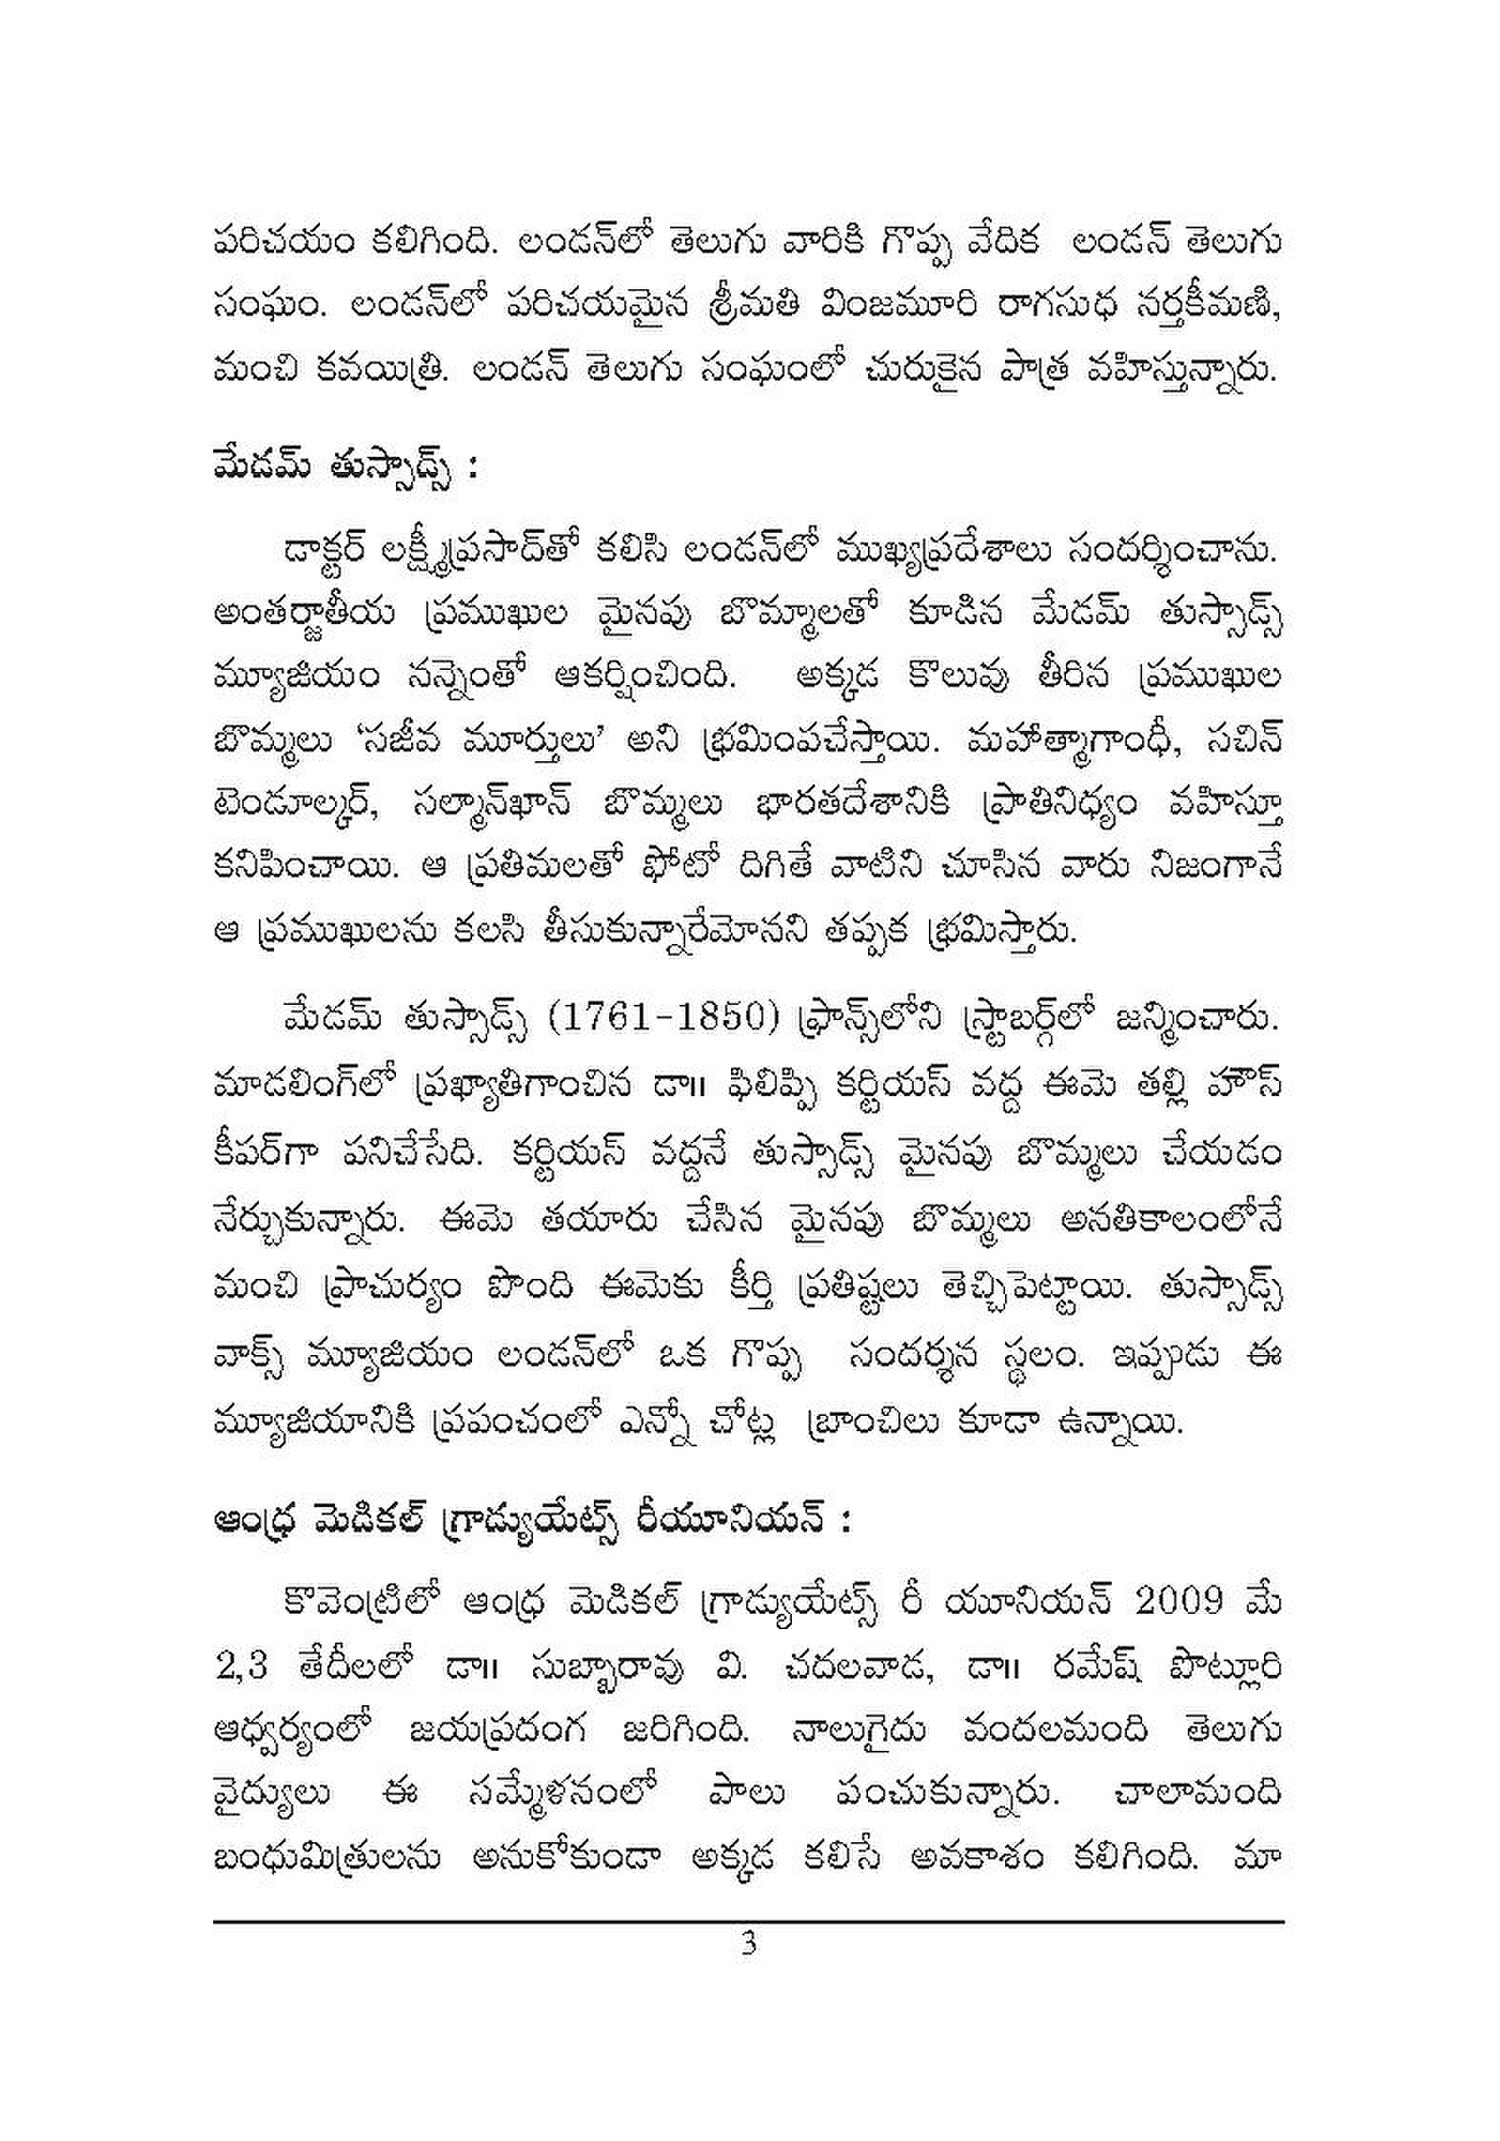పరిచయం కలిగింది. లండన్‍లో తెలుగు వారికి గొప్ప వేదిక లండన్ తెలుగు సంఘం. లండన్‍లో పరిచయమైన శ్రీమతి వింజమూరి రాగసుధ నర్తకీమణి, మంచి కవయిత్రి. లండన్ తెలుగు సంఘంలో చురుకైన పాత్ర వహిస్తున్నారు.

మేడమ్ తుస్సాడ్స్ :

డాక్టర్ లక్ష్మీప్రసాద్‍తో కలిసి లండన్‍లో ముఖ్యప్రదేశాలు సందర్శించాను. అంతర్జాతీయ ప్రముఖుల మైనపు బొమ్మాలతో కూడిన మేడమ్ తుస్సాడ్స్ మ్యూజియం నన్నెంతో ఆకర్షించింది. అక్కడ కొలువు తీరిన ప్రముఖుల బొమ్మలు 'సజీవ మూర్తులు' అని భ్రమింపచేస్తాయి. మహాత్మాగాంధీ, సచిన్ టెండూల్కర్, సల్మాన్‍ఖాన్ బొమ్మలు భారతదేశానికి ప్రాతినిధ్యం వహిస్తూ కనిపించాయి. ఆ ప్రతిమలతో ఫోటో దిగితే వాటిని చూసిన వారు నిజంగానే ఆ ప్రముఖులను కలసి తీసుకున్నారేమోనని తప్పక భ్రమిస్తారు.

మేడమ్ తుస్సాడ్స్ (1761-1850) ఫ్రాన్స్‍లోని స్ట్రాబర్గ్‍లో జన్మించారు. మాడలింగ్‍లో ప్రఖ్యాతిగాంచిన డా॥ ఫిలిప్పి కర్టియస్ వద్ద ఈమె తల్లి హౌస్ కీపర్‍గా పనిచేసేది. కర్టియస్ వద్దనే తుస్సాడ్స్ మైనపు బొమ్మలు చేయడం నేర్చుకున్నారు. ఈమె తయారు చేసిన మైనపు బొమ్మలు అనతికాలంలోనే మంచి ప్రాచుర్యం పొంది ఈమెకు కీర్తి ప్రతిష్టలు తెచ్చిపెట్టాయి. తుస్సాడ్స్ వాక్స్ మ్యూజియం లండన్‍లో ఒక గొప్ప సందర్శన స్థలం. ఇప్పడు ఈ మ్యూజియానికి ప్రపంచంలో ఎన్నో చోట్ల బ్రాంచిలు కూడా ఉన్నాయి.

ఆంధ్ర మెడికల్ గ్రాడ్యుయేట్స్ రీయూనియన్ :

కొవెంట్రిలో ఆంధ్ర మెడికల్ గ్రాడ్యుయేట్స్ రీ యూనియన్ 2009 మే 2,3 తేదీలలో డా॥ సుబ్బారావు వి. చదలవాడ, డా॥ రమేష్ పొట్లూరి ఆధ్వర్యంలో జయప్రదంగ జరిగింది. నాలుగైదు వందలమంది తెలుగు వైద్యులు ఈ సమ్మేళనంలో పాలు పంచుకున్నారు. చాలామంది బంధుమిత్రులను అనుకోకుండా అక్కడ కలిసే అవకాశం కలిగింది. మా